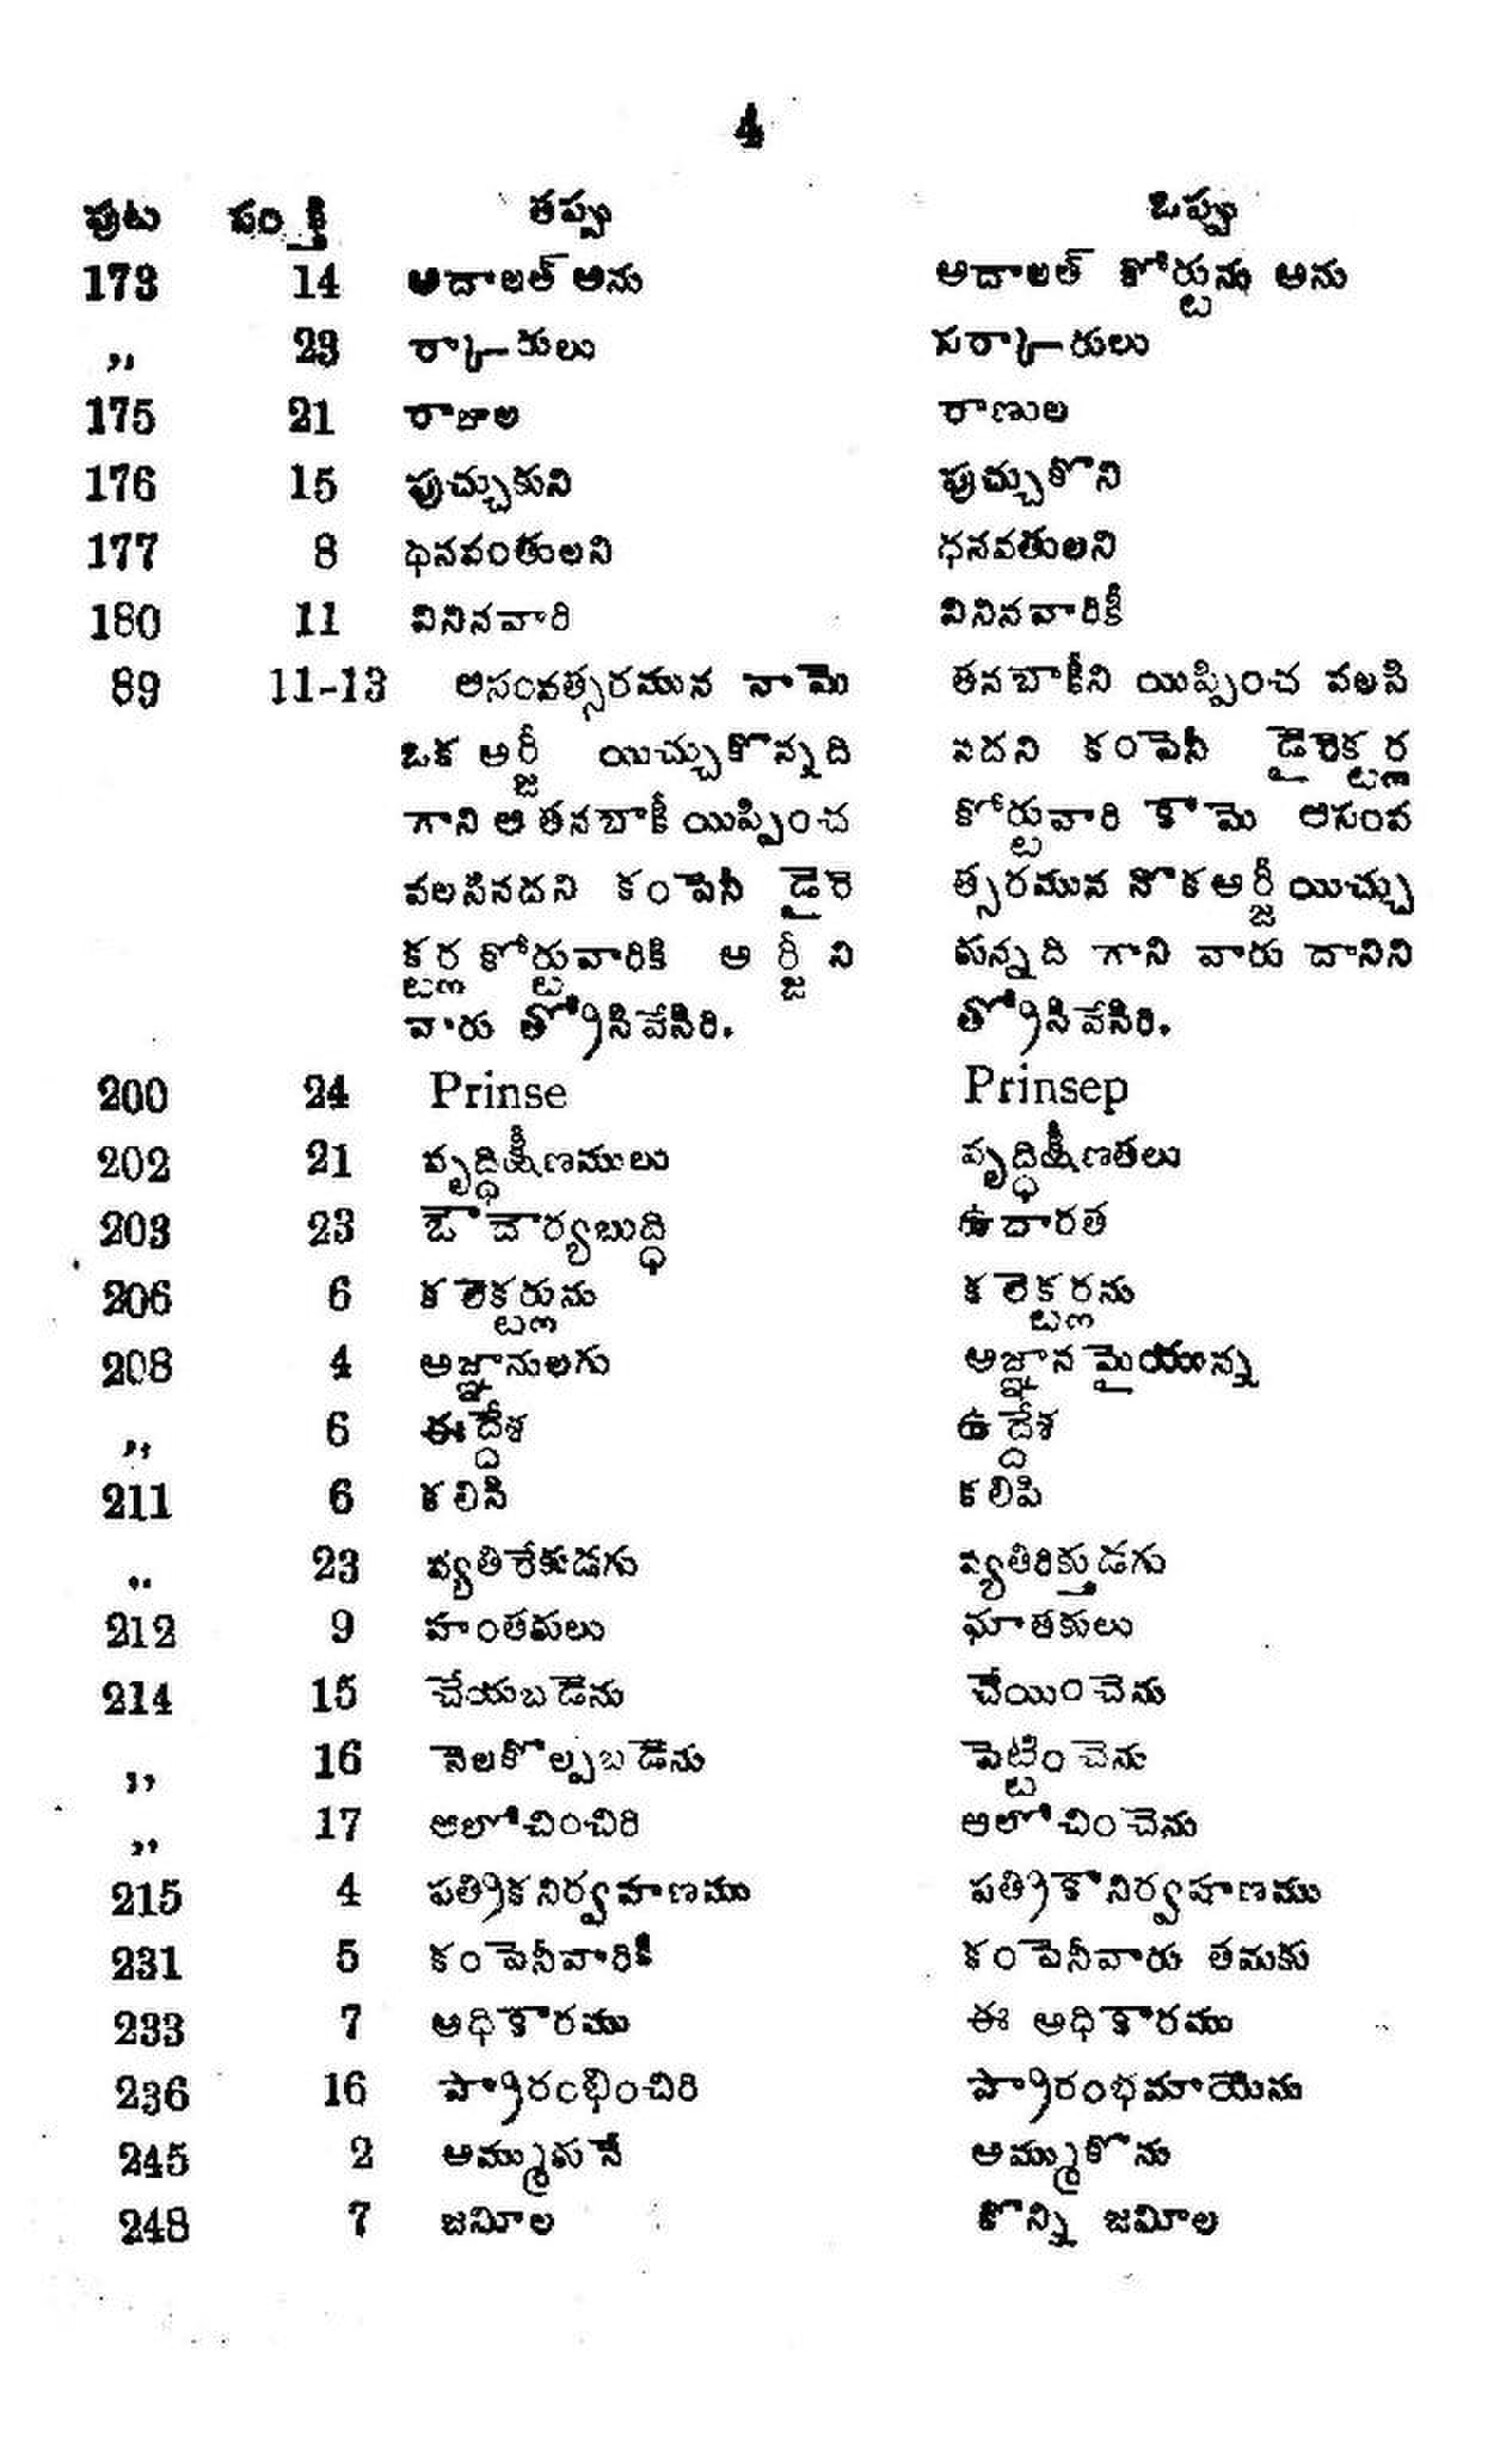పుట పంక్తి తప్పు ఒప్పు 173 14 అదాలత్ అను అదాలత్ కోర్టును అను 173 23 ర్కారులు సర్కారులు 175 21 రాజుల రాణుల 176 15 పుచ్చుకుని పుచ్చుకొని 177 8 ధనవంతులని ధనవతులని 180 11 వినినవారి వినినవారికీ 189 11-13 ఆసంవత్సరమున నామె ఒక అర్జీ యిచ్చుకొన్నది గాని ఆ తనబాకీ యిప్పించవలసినదని కంపెనీ డైరెక్టర్ల కోర్టువారికి అర్జీని వారు త్రోసివేసిరి. తనబాకీని యిప్పించ వలసినదని కంపెనీ డైరెక్టర్లకోర్టువారి కామె ఆసంవత్సరమున నొకఅర్జీ యిచ్చుకున్నది గాని వారు దానిని త్రోసివేసిరి. 200 24 Prinse Prinsep 202 21 వృద్ధిక్షీణములు వృద్ధిక్షీణతలు 203 23 ఔదార్యబుద్ధి ఉదారత 206 6 కలెక్టర్లును కలెక్టర్లను 208 4 అజ్ఞానులగు అజ్ఞానమైయున్న 208 6 ఈద్దేశ ఉద్దేశ 211 6 కలిసి కలిపి 211 23 వ్యతిరేకుడగు వ్యతిరిక్తుడగు 212 9 హంతకులు ఘాతకులు 214 15 చేయబడెను చేయించెను 214 16 నెలకొల్పబడెను పెట్టించెను 214 17 ఆలోచించిరి ఆలోచించెను 215 4 పత్రికనిర్వహణము పత్రికానిర్వహణము 231 5 కంపెనీవారికి కంపెనీవారు తమకు 233 7 అధికారము ఈ అధికారము 236 16 ప్రారంభించిరి ప్రారంభమాయెను 245 2 అమ్ముకునే అమ్ముకొను 248 7 జమీల కొన్ని జమీల